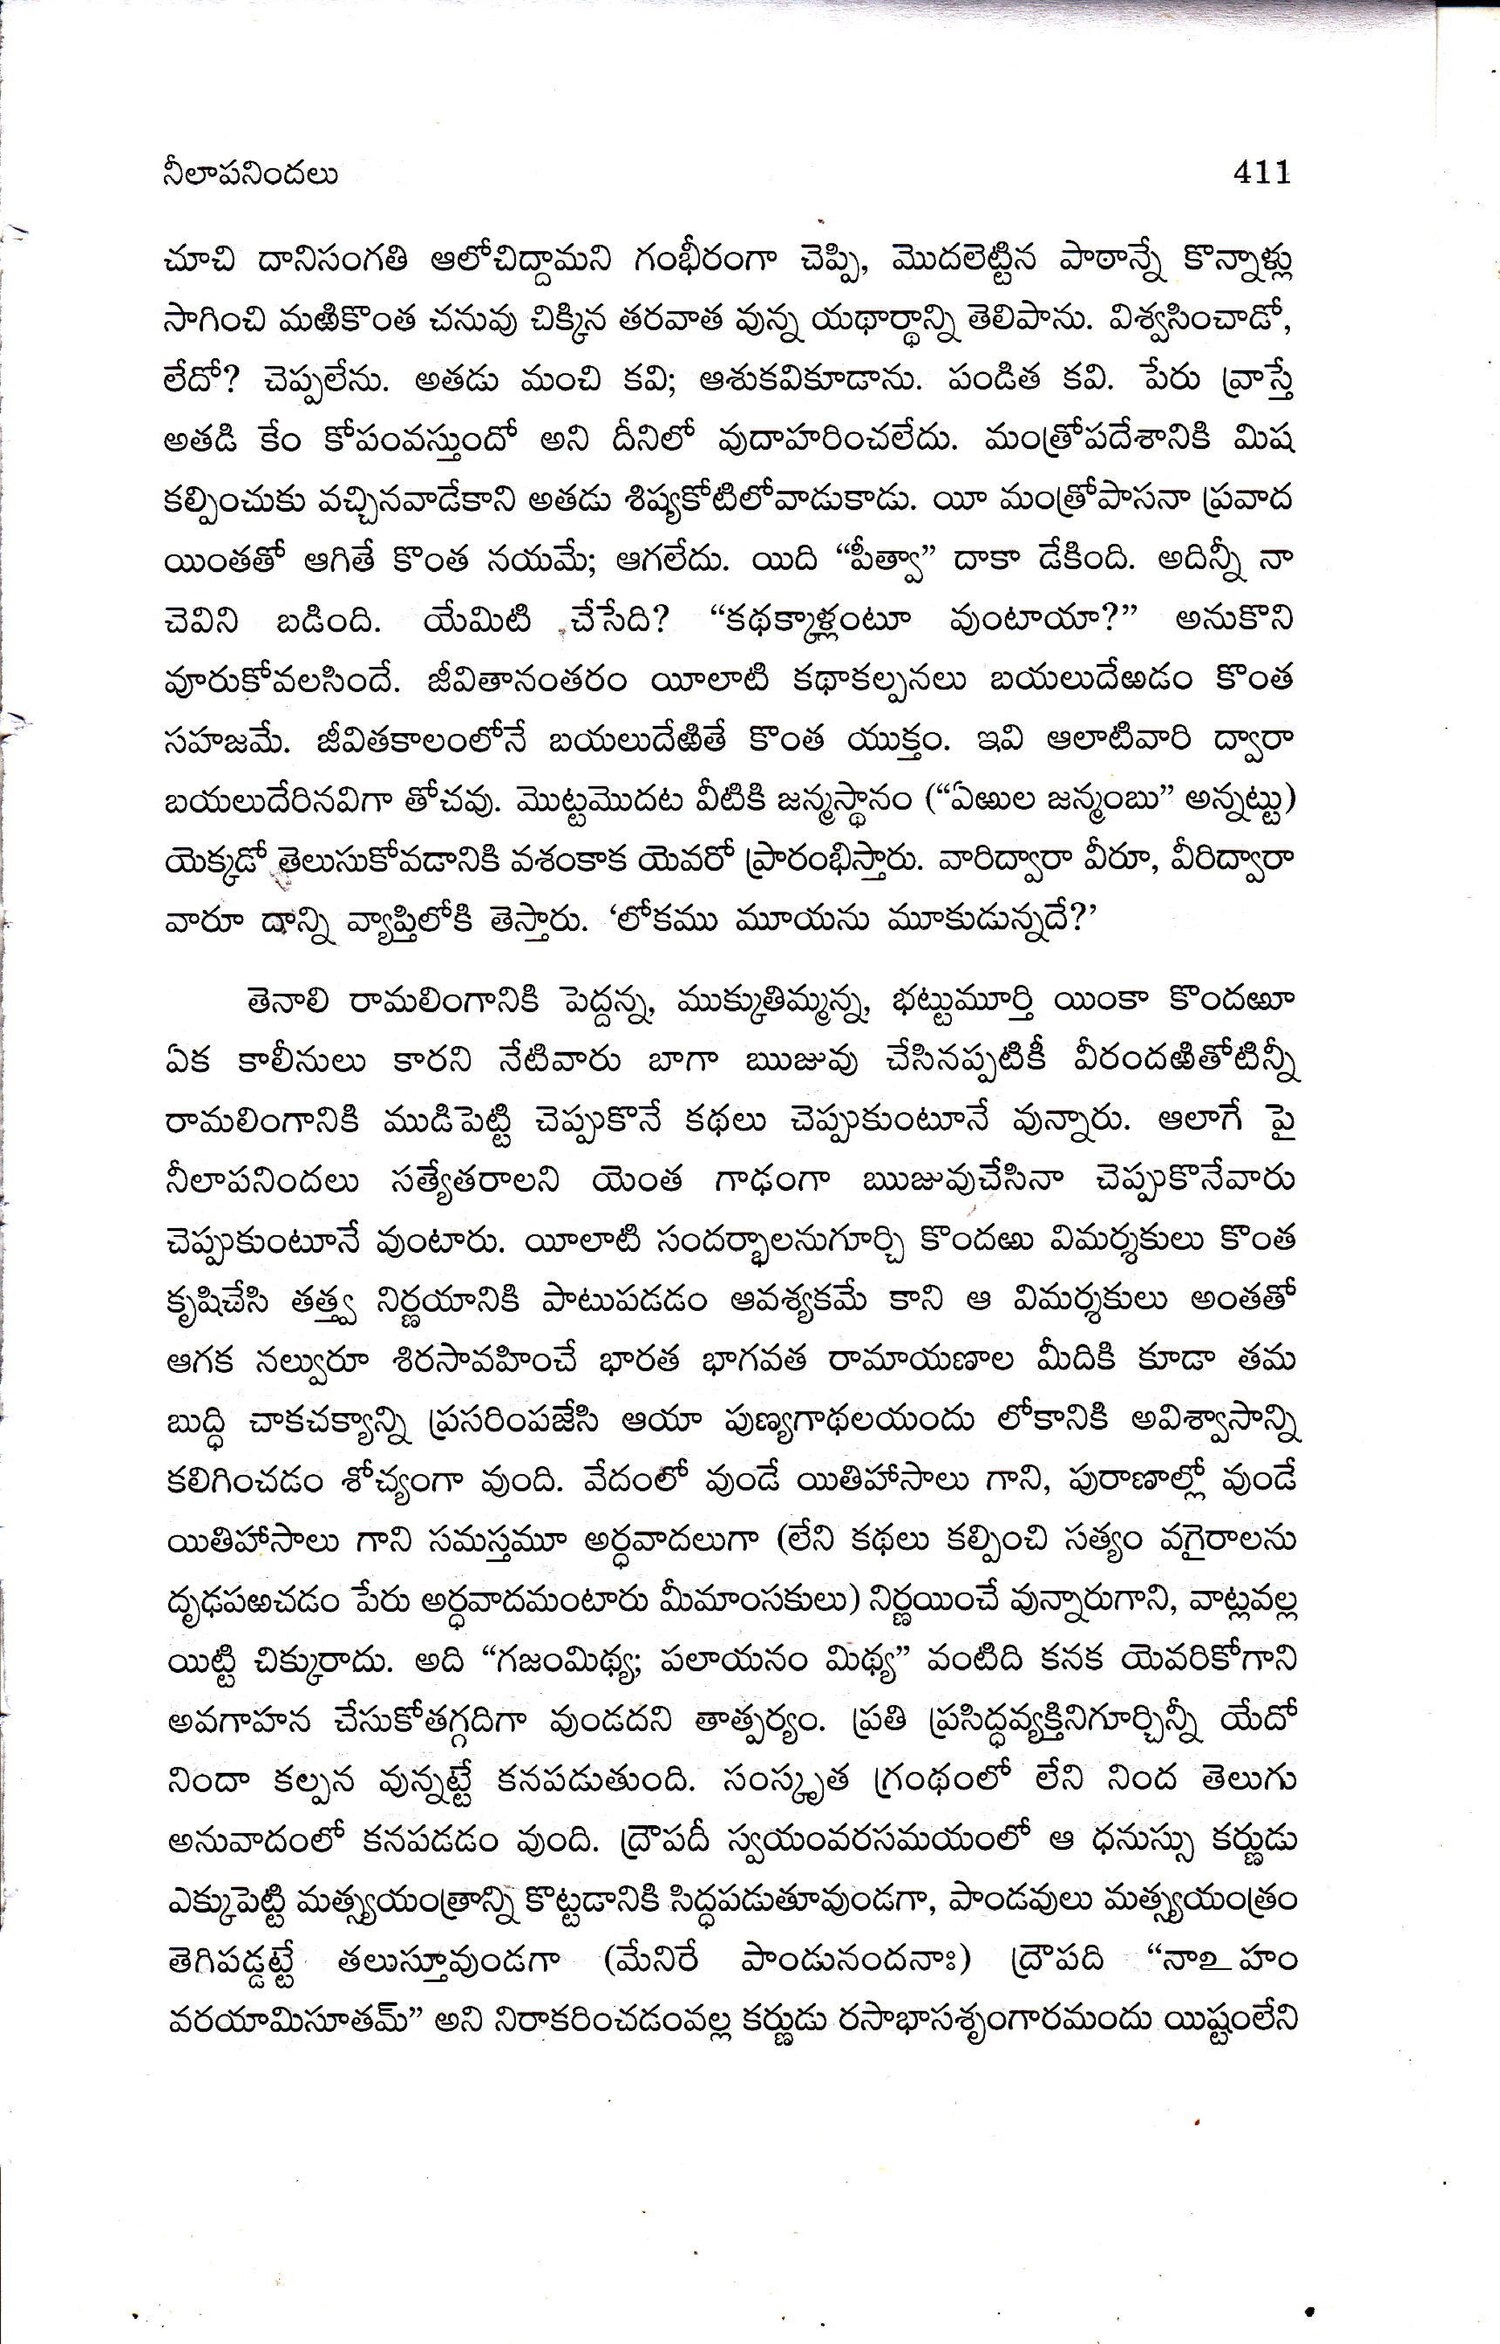చూచి దానిసంగతి ఆలోచిద్దామని గంభీరంగా చెప్పి, మొదలెట్టిన పాఠాన్నే కొన్నాళ్లు సాగించి మఱికొంత చనువు చిక్కిన తరవాత వున్న యథార్థాన్ని తెలిపాను. విశ్వసించాడో, లేదో? చెప్పలేను. అతడు మంచి కవి; ఆశుకవికూడాను. పండిత కవి. పేరు వ్రాస్తే అతడి కేం కోపంవస్తుందో అని దీనిలో వుదాహరించలేదు. మంత్రోపదేశానికి మిష కల్పించుకు వచ్చినవాడేకాని అతడు శిష్యకోటిలోవాడుకాడు. యీ మంత్రోపాసనా ప్రవాద యింతతో ఆగితే కొంత నయమే; ఆగలేదు. యిది “పీత్వా" దాకా డేకింది. అదిన్నీ నా చెవిని బడింది. యేమిటి చేసేది? “కథక్కాళ్లంటూ వుంటాయా?” అనుకొని వూరుకోవలసిందే. జీవితానంతరం యీలాటి కథాకల్పనలు బయలుదేఱడం కొంత సహజమే. జీవితకాలంలోనే బయలుదేఱితే కొంత యుక్తం. ఇవి ఆలాటివారి ద్వారా బయలుదేరినవిగా తోచవు. మొట్టమొదట వీటికి జన్మస్థానం (“ఏఱుల జన్మంబు" అన్నట్టు) యెక్కడో తెలుసుకోవడానికి వశంకాక యెవరో ప్రారంభిస్తారు. వారిద్వారా వీరూ, వీరిద్వారా వారూ దాన్ని వ్యాప్తిలోకి తెస్తారు. లోకము మూయను మూకుడున్నదే?

తెనాలి రామలింగానికి పెద్దన్న ముక్కుతిమ్మన్న భట్టుమూర్తి యింకా కొందఱూ ఏక కాలీనులు కారని నేటివారు బాగా ఋజువు చేసినప్పటికీ వీరందఱితోటిన్నీ రామలింగానికి ముడిపెట్టి చెప్పకొనే కథలు చెప్పకుంటూనే వున్నారు. ఆలాగే పై నీలాపనిందలు సత్యేతరాలని యెంత గాఢంగా ఋజువుచేసినా చెప్పకొనేవారు చెప్పకుంటూనే వుంటారు. యీలాటి సందర్భాలనుగూర్చి కొందఱు విమర్శకులు కొంత కృషిచేసి తత్త్వ నిర్ణయానికి పాటుపడడం ఆవశ్యకమే కాని ఆ విమర్శకులు అంతతో ఆగక నల్వురూ శిరసావహించే భారత భాగవత రామాయణాల మీదికి కూడా తమ బుద్ధి చాకచక్యాన్ని ప్రసరింపజేసి ఆయా పుణ్యగాథలయందు లోకానికి అవిశ్వాసాన్ని కలిగించడం శోచ్యంగా వుంది. వేదంలో వుండే యితిహాసాలు గాని, పురాణాల్లో వుండే యితిహాసాలు గాని సమస్తమూ అర్ధవాదలుగా (లేని కథలు కల్పించి సత్యం వగైరాలను దృఢపఱచడం పేరు అర్థవాదమంటారు మీమాంసకులు) నిర్ణయించే వున్నారుగాని, వాట్లవల్ల యిట్టి చిక్కురాదు. అది “గజంమిథ్య పలాయనం మిథ్య" వంటిది కనక యెవరికోగాని అవగాహన చేసుకోతగ్గదిగా వుండదని తాత్పర్యం. ప్రతి ప్రసిద్ధవ్యక్తినిగూర్చిన్నీ యేదో నిందా కల్పన వున్నట్టే కనపడుతుంది. సంస్కృత గ్రంథంలో లేని నింద తెలుగు అనువాదంలో కనపడడం వుంది. ద్రౌపదీ స్వయంవరసమయంలో ఆ ధనుస్సు కర్ణుడు ఎక్కుపెట్టి మత్స్యయంత్రాన్ని కొట్టడానికి సిద్ధపడుతూవుండగా, పాండవులు మత్స్యయంత్రం తెగిపడ్డట్టే తలుస్తూవుండగా (మేనిరే పాండునందనాః) ద్రౌపది “నా౽హం వరయామిసూతమ్” అని నిరాకరించడంవల్ల కర్ణుడు రసాభాసశృంగారమందు యిష్టంలేని